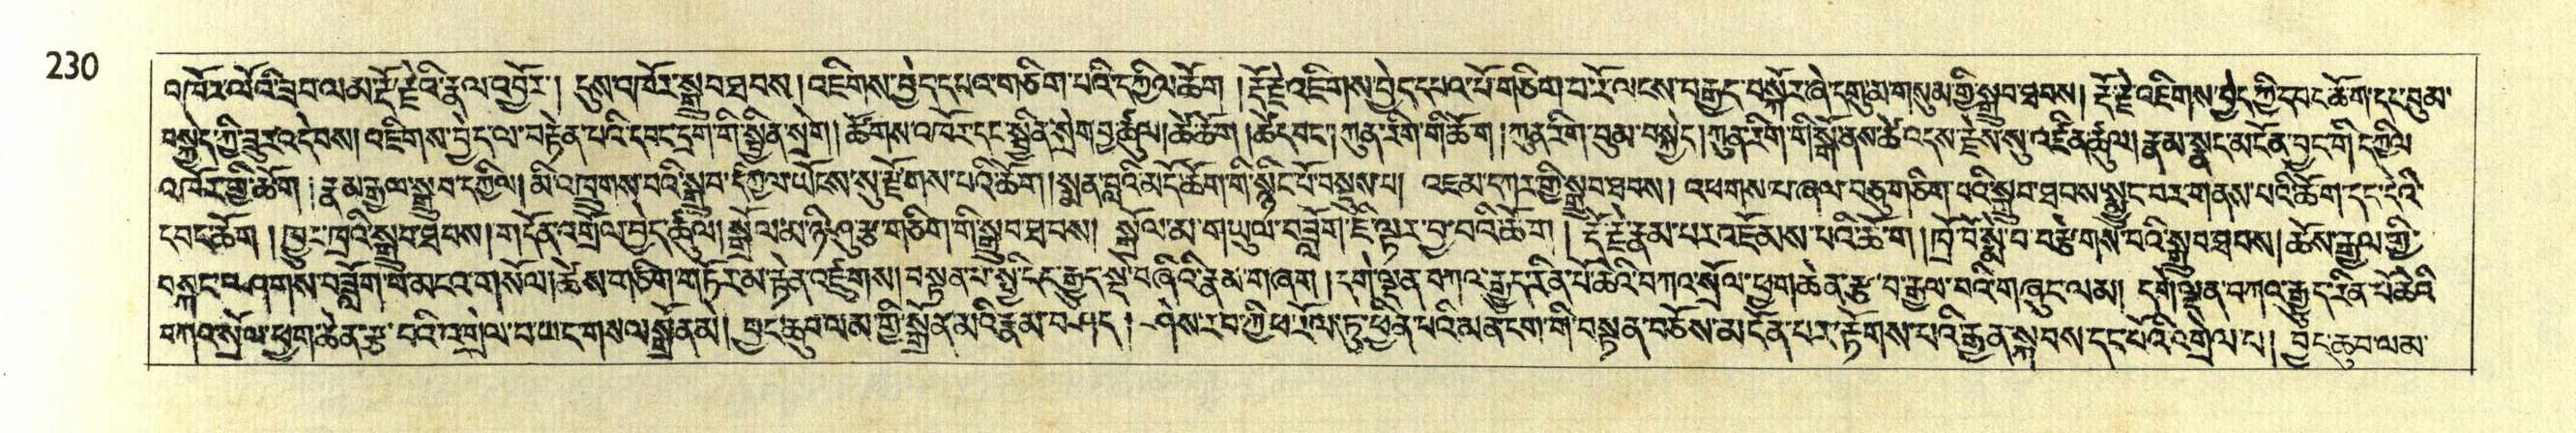འཁོར་ལོའི་ཟབ་ལམ་རྡོ་རྗེའི་རྣལ་འབྱོར། དུས་འཁོར་སྒྲུབ་ཐབས། འཇིགས་བྱེད་དཔའ་གཅིག་པའི་དཀྱིལ་ཆོག །རྡོ་རྗེ་འཇིགས་བྱེད་དཔའ་པོ་གཅིག་པ་རོ་ལངས་བརྒྱད་བསྐོར་ཞེ་དགུ་མ་གསུམ་གྱི་སྒྲུབ་ཐབས། རྡོ་རྗེ་འཇིགས་བྱེད་ཀྱི་དབང་ཆོག་དང་བུམ་
བསྐྱེད་ཀྱི་ཟུར་འདེབས། འཇིགས་བྱེད་ལ་བརྟེན་པའི་དབང་དྲག་གི་སྦྱིན་སྲེག། ཚོགས་འཁོར་དང་སྦྱིན་སྲེག་བྱ་ཚུལ། ཚེ་ཆོག །ཚེ་དབང་། ཀུན་རིག་གི་ཆོ་ག །ཀུན་རིག་བུམ་བསྐྱེད། ཀུན་རིག་གི་སྒོ་ནས་ཚེ་འདས་རྗེས་སུ་འཛིན་ཚུལ། རྣམ་སྣང་མངོན་བྱང་གི་དཀྱིལ་
འཁོར་གྱི་ཆོ་ག །རྣམ་རྒྱལ་སྒྲུབ་དཀྱིལ། མི་འཁྲུགས་པའི་སྒྲུབ་དཀྱིལ་ཡོངས་སུ་རྫོགས་པའི་ཆོ་ག། སྨན་བླའི་མདོ་ཆོག་གི་སྙིང་པོ་བསྡུས་པ། འཇམ་དཀར་གྱི་སྒྲུབ་ཐབས། འཕགས་པ་ཞལ་བཅུ་གཅིག་པའི་སྒྲུབ་ཐབས་སྨྱུང་བར་གནས་པའི་ཆོ་ག་དང་དེའི་
དབང་ཆོ་ག །ཁྱུང་འཁྲའི་སྒྲུབ་ཐབས། གདོན་འགྲོལ་བྱེད་ཚུལ། སྒྲོལ་མ་ཉི་ཤུ་རྩ་གཅིག་གི་སྒྲུབ་ཐབས། སྒྲོལ་མ་གཡུལ་བཟློག་ཇི་ལྟར་བྱ་བའི་ཆོ་ག། རྡོ་རྗེ་རྣམ་པར་འཇོམས་པའི་ཆོ་ག །ཁྲོ་བོ་སྨེ་པ་བརྩེགས་པའི་སྒྲུབ་ཐབས། ཆོས་རྒྱལ་གྱི་
བསྐང་བཤགས་བཟློག་པ་མངའ་གསོལ། ཚེས་གཅིག་གཏོར་མ་རྟེན་འཛུགས། བསྟན་པ་སྤྱི་དང་རྒྱུད་སྡེ་བཞིའི་རྣམ་གཞག །དགེ་ལྡན་བཀའ་རྒྱུད་རིན་པོ་ཆེའི་བཀའ་སྲོལ་ཕྱག་ཆེན་རྩ་བ་རྒྱལ་བའི་གཞུང་ལམ། དགེ་ལྡན་བཀའ་རྒྱུད་རིན་པོ་ཆེའི་
བཀའ་སྲོལ་ཕྱག་ཆེན་རྩ་བའི་འགྲེལ་པ་ཡང་གསལ་སྒྲོན་མེ། བྱང་ཆུབ་ལམ་གྱི་སྒྲོན་མའི་རྣམ་བཤད། ཤེས་རབ་ཀྱི་ཕ་རོལ་ཏུ་ཕྱིན་པའི་མན་ངག་གི་བསྟན་བཅོས་མངོན་པར་རྟོགས་པའི་རྒྱན་སྐབས་དང་པོའི་འགྲེལ་པ། བྱང་ཆུབ་ལམ་